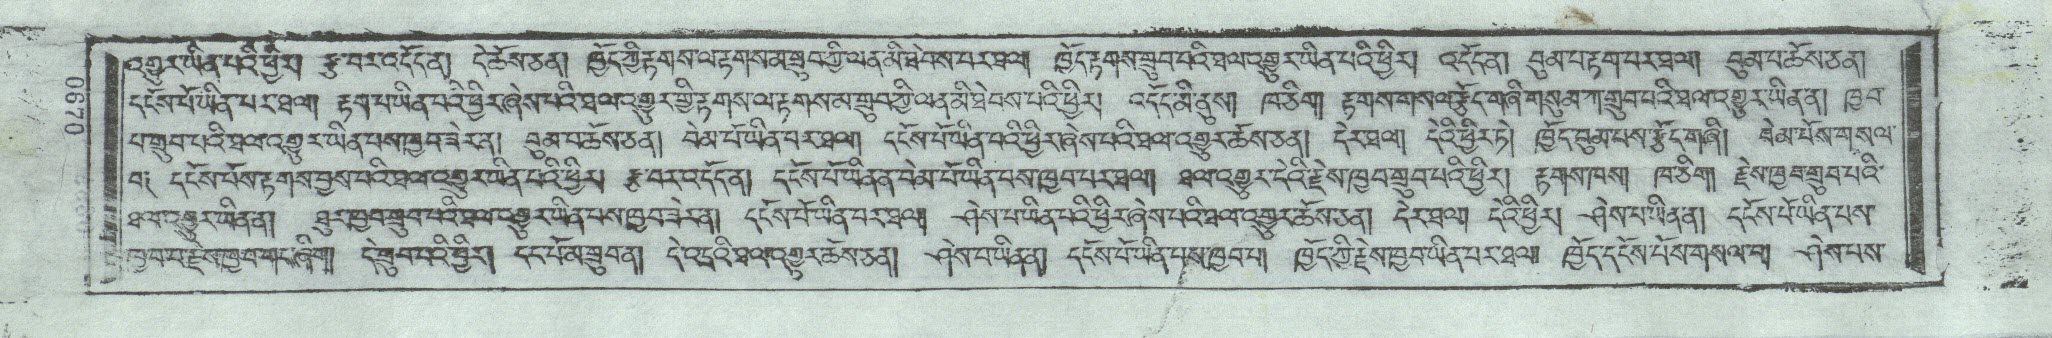འགྱུར་ཡིན་པའི་ཕྱིར། རྩ་བར་འདོད་ན། དེ་ཆོས་ཅན། ཁྱོད་ཀྱི་རྟགས་ལ་རྟགས་མ་གྲུབ་ཀྱི་ལན་མི་ཐེབས་པར་ཐལ། ཁྱོད་རྟགས་གྲུབ་པའི་ཐལ་འགྱུར་ཡིན་པའི་ཕྱིར། འདོད་ན། བུམ་པ་རྟག་པར་ཐལ། བུམ་པ་ཆོས་ཅན།
དངོས་པོ་ཡིན་པར་ཐལ། རྟག་པ་ཡིན་པའི་ཕྱིར་ཞེས་པའི་ཐལ་འགྱུར་གྱི་རྟགས་ལ་རྟགས་མ་གྲུབ་ཀྱི་ལན་མི་ཐེབས་པའི་ཕྱིར། འདོད་མི་ནུས། ཁ་ཅིག། རྟགས་གསལ་རྩོད་གཞི་གསུམ་ཀ་གྲུབ་པའི་ཐལ་འགྱུར་ཡིན་ན། ཁྱབ་
པ་གྲུབ་པའི་ཐལ་འགྱུར་ཡིན་པས་ཁྱབ་ཟེར་ན། བུམ་པ་ཆོས་ཅན། བེམ་པོ་ཡིན་པར་ཐལ། དངོས་པོ་ཡིན་པའི་ཕྱིར་ཞེས་པའི་ཐལ་འགྱུར་ཆོས་ཅན། དེར་ཐལ། དེའི་ཕྱིར་ཏེ། ཁྱོད་བུམ་པས་རྩོད་གཞི། བེམ་པོས་གསལ་
བ༑ དངོས་པོས་རྟགས་བྱས་པའི་ཐལ་འགྱུར་ཡིན་པའི་ཕྱིར། རྩ་བར་འདོད་ན། དངོས་པོ་ཡིན་ན་བེམ་པོ་ཡིན་པས་ཁྱབ་པར་ཐལ། ཐལ་འགྱུར་དེའི་རྗེས་ཁྱབ་གྲུབ་པའི་ཕྱིར། རྟགས་ཁས། ཁ་ཅིག། རྗེས་ཁྱབ་གྲུབ་པའི་
ཐལ་འགྱུར་ཡིན་ན། ཐུར་ཁྱབ་གྲུབ་པའི་ཐལ་འགྱུར་ཡིན་པས་ཁྱབ་ཟེར་ན། དངོས་པོ་ཡིན་པར་ཐལ། ཤེས་པ་ཡིན་པའི་ཕྱིར་ཞེས་པའི་ཐལ་འགྱུར་ཆོས་ཅན། དེར་ཐལ། དེའི་ཕྱིར། ཤེས་པ་ཡིན་ན། དངོས་པོ་ཡིན་པས་
ཁྱབ་པ་རྗེས་ཁྱབ་གང་ཞིག། དེ་གྲུབ་པའི་ཕྱིར། དང་པོ་མ་གྲུབ་ན། དེ་འདྲའི་ཐལ་འགྱུར་ཆོས་ཅན། ཤེས་པ་ཡིན་ན། དངོས་པོ་ཡིན་པས་ཁྱབ་པ། ཁྱོད་ཀྱི་རྗེས་ཁྱབ་ཡིན་པར་ཐལ། ཁྱོད་དངོས་པོས་གསལ་བ། ཤེས་པས་